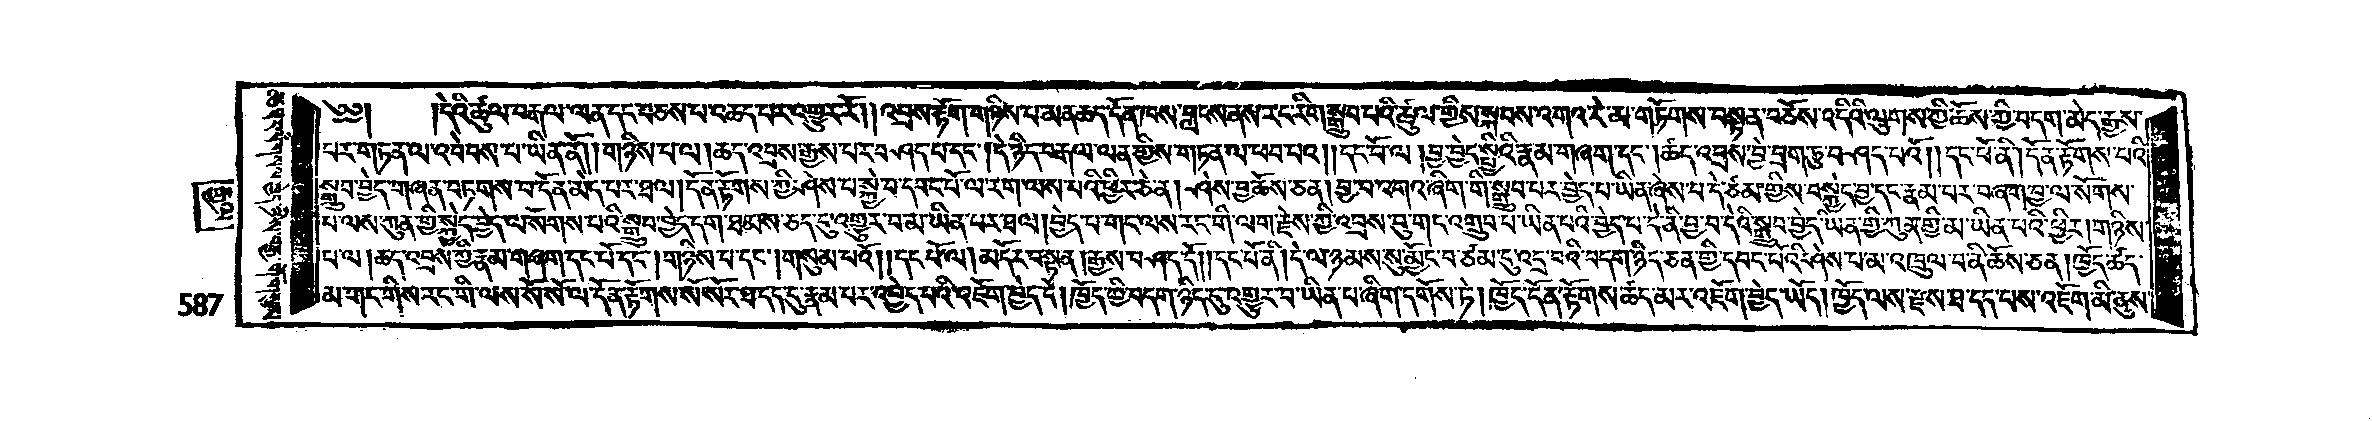༄༅། །དེའི་ཚུལ་བརྒལ་ལན་དང་བཅས་པ་འཆད་པར་འགྱུར་རོ། །འབྲས་རྟག་གཉིས་པ་མན་ཆད་དོན་ཁས་བླངས་ནས་རང་རིག་སྒྲུབ་པའི་ཚུལ་གྱིས་སྐབས་འགའ་ངེ་མ་གཏོགས་བསྟན་བཅོས་འདིའི་ལུགས་ཀྱི་ཆོས་ཀྱི་བདག་མེད་རྒྱས་
པར་གཏན་ལ་འབེབས་པ་ཡིན་ནོ། །གཉིས་པ་ལ། ཆད་འབྲས་རྒྱས་པར་བཤད་པ་དང་། དེ་ཉིད་བརྒལ་ལན་གྱིས་གཏན་ལ་ཕབ་པའི། །དང་པོ་ལ། བྱ་བྱེད་སྤྱིའི་རྣམ་གཞག་དང་། ཚད་འབྲས་བྱེ་བྲག་ཏུ་བཤད་པའོ། །དང་པོ་ནི། དོན་རྟོགས་པའི་
སྒྲུབ་བྱེད་གཞན་བཏགས་པ་དོན་མེད་པར་ཐལ། དོན་རྟོགས་ཀྱི་ཤེས་པ་སྐྱེ་བ་དབང་པོ་ལ་རག་ལས་པའི་ཕྱིར་ཅེ་ན། ཤེས་བྱ་ཆོས་ཅན། བྱ་བ་འགའ་ཞིག་གི་སྒྲུབ་པར་བྱེད་པ་ཡིན་ཞེས་པ་དེ་ཙམ་གྱིས་བསྐྱེད་བྱ་དང་རྣམ་པར་བཞག་བྱ་ལ་སོགས་
པ་ལས་ཀུན་གྱི་སྐྱེད་བྱེད་ལ་སོགས་པའི་སྒྲུབ་བྱེད་དག་ཐམས་ཅད་དུ་འགྱུར་བ་མ་ཡིན་པར་ཐལ། བྱེད་པ་གང་ལས་རང་གི་ལག་རྗེས་ཀྱི་འབྲས་བུ་གང་འགྲུབ་པ་ཡིན་པའི་བྱེད་པ་དེ་ནི་བྱ་བ་དེའི་སྒྲུབ་བྱེད་ཡིན་གྱི་ཀུན་གྱི་མ་ཡིན་པའི་ཕྱིར། གཉིས་
པ་ལ། ཆད་འབྲས་ཀྱི་རྣམ་གཞག་དང་པོ་དང་། གཉིས་པ་དང་། གསུམ་པའོ། །དང་པོ་ལ། མདོར་བསྟན། རྒྱས་བཤད་དོ། །དང་པོ་ནི། དེ་ལ་ཉམས་སུ་མྱོང་བ་ཙམ་དུ་འདྲ་བའི་བདག་ཉིད་ཅན་གྱི་དབང་པོའི་ཤེས་པ་མ་འཁྲུལ་བ་ནི་ཆོས་ཅན། ཁྱོད་ཚད་
མ་གང་གིས་རང་གི་ལས་སོ་སོ་ལ་དོན་རྟོགས་སོ་སོར་ཐ་དད་དུ་རྣམ་པར་འབྱེད་པའི་འཇོག་བྱེད་དེ། ཁྱོད་ཀྱི་བདག་ཉིད་དུ་འགྱུར་བ་ཡིན་པ་ཞིག་དགོས་ཏེ། ཁྱོད་དོན་རྟོགས་ཚད་མར་འཇོག་བྱེད་ཡོད། ཁྱོད་ལས་རྫས་ཐ་དད་པས་འཇོག་མི་ནུས་